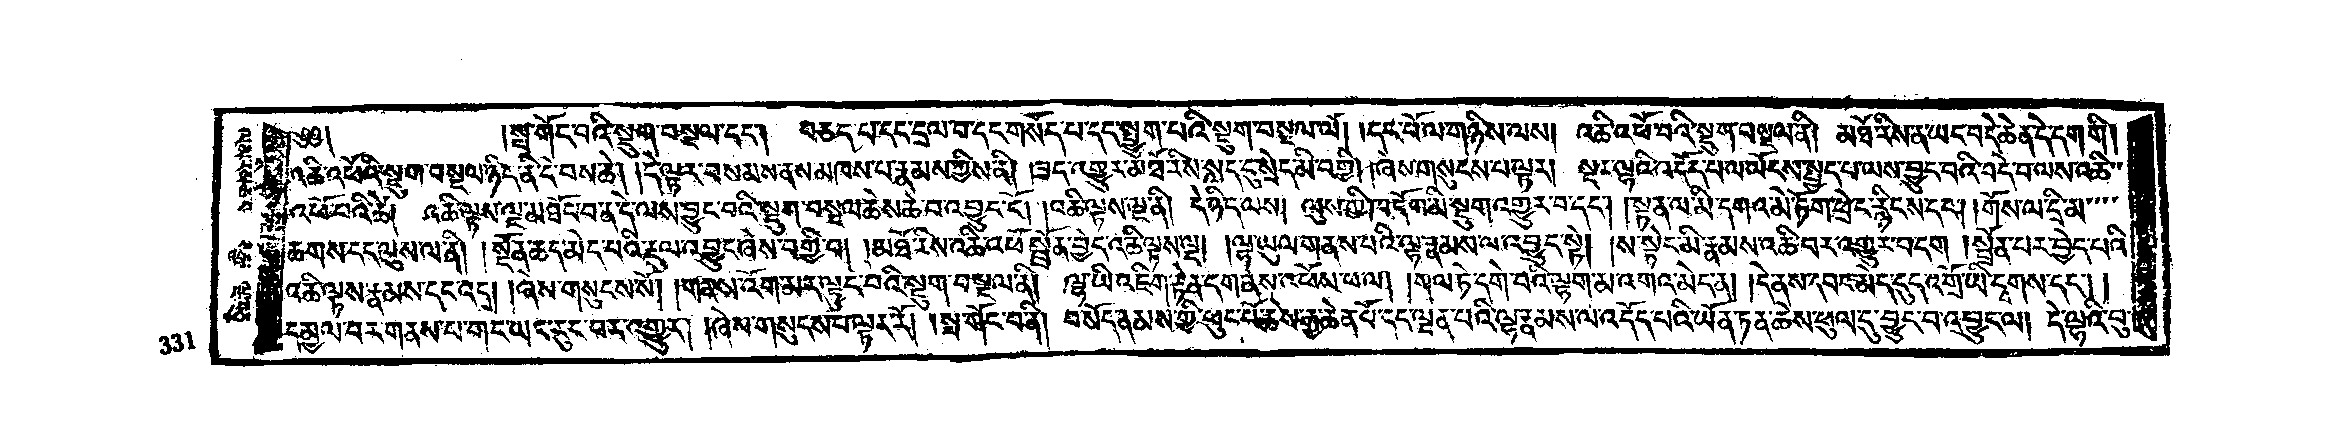༄༅། །སྤ་གོང་བའི་སྡུག་བསྔལ་དང་། བཅད་པ་དང་དྲལ་བ་དང་གསོད་པ་དང་སྤྱུག་པའི་སྡུག་བསྔལ་ལོ། །དང་པོ་ལ་གཉིས་ལས། འཆི་འཕོ་བའི་སྡུག་བསྔལ་ནི། མཐོ་རིས་ན་ཡང་བདེ་ཆེན་དེ་དག་གི།
འཆི་འཕོའི་སྡུག་བསྔལ་ཉིད་ནི་དེ་བས་ཆེ། །དེ་ལྟར་བསམས་ནས་མཁས་པ་རྣམས་ཀྱིས་ནི། །ཟད་འགྱུར་མཐོ་རིས་སླད་དུ་སྲེད་མི་བགྱི། །ཞེས་གསུངས་པ་ལྟར། སྔར་ལྷའི་འདོད་པ་ལ་ལོངས་སྤྱད་པ་ལས་བྱུང་བའི་བདེ་བ་ལས་འཆི་
འཕོ་བའི་ཚེ། འཆི་ལྟས་ལྔ་མཐོང་བ་ན་དེ་ལས་བྱུང་བའི་སྡུག་བསྔལ་ཆེས་ཆེ་བ་འབྱུང་ངོ། །འཆི་ལྟས་ལྔ་ནི། དེ་ཉིད་ལས། ལུས་ཀྱི་ཁ་དོག་མི་སྡུག་འགྱུར་བ་དང་། །སྟན་ལ་མི་དགའ་མེ་ཏོག་ཕྲེང་རྙིངས་དང་། །གོས་ལ་དྲི་མ་
ཆགས་དང་ལུས་ལ་ནི། །སྔོན་ཆད་མེད་པའི་རྡུལ་འབྱུང་ཞེས་བགྱི་བ། །མཐོ་རིས་འཆི་འཕོ་སྦྲོན་བྱེད་འཆི་ལྟས་ལྔ། །ལྷ་ཡུལ་གནས་པའི་ལྷ་རྣམས་ལ་འབྱུང་སྟེ། །ས་སྟེང་མི་རྣམས་འཆི་བར་འགྱུར་བ་དག །སྦྲོན་པར་བྱེད་པའི་
འཆི་ལྟས་རྣམས་དང་འདྲ། །ཞེས་གསུངས་སོ། །གནས་འོག་མར་ལྟུང་བའི་སྡུག་བསྔལ་ནི། ལྷ་ཡི་འཇིག་རྟེན་དག་ནས་འཕོས་པ་ལ། །གལ་ཏེ་དགེ་བའི་ལྷག་མ་འགའ་མེད་ན། །དེ་ནས་དབང་མེད་དུད་འགྲོ་ཡི་དྭགས་དང་། །
དམྱལ་བར་གནས་པ་གང་ཡང་རུང་བར་འགྱུར། །ཞེས་གསུངས་པ་ལྟར་རོ། །སྤ་གོང་བ་ནི། བསོད་ནམས་ཀྱི་ཕུང་པོ་ཆེས་རྒྱ་ཆེན་པོ་དང་ལྡན་པའི་ལྷ་རྣམས་ལ་འདོད་པའི་ཡོན་ཏན་ཆེས་ཕུལ་དུ་བྱུང་བ་འབྱུང་ལ། དེ་ལྷའི་བུ་